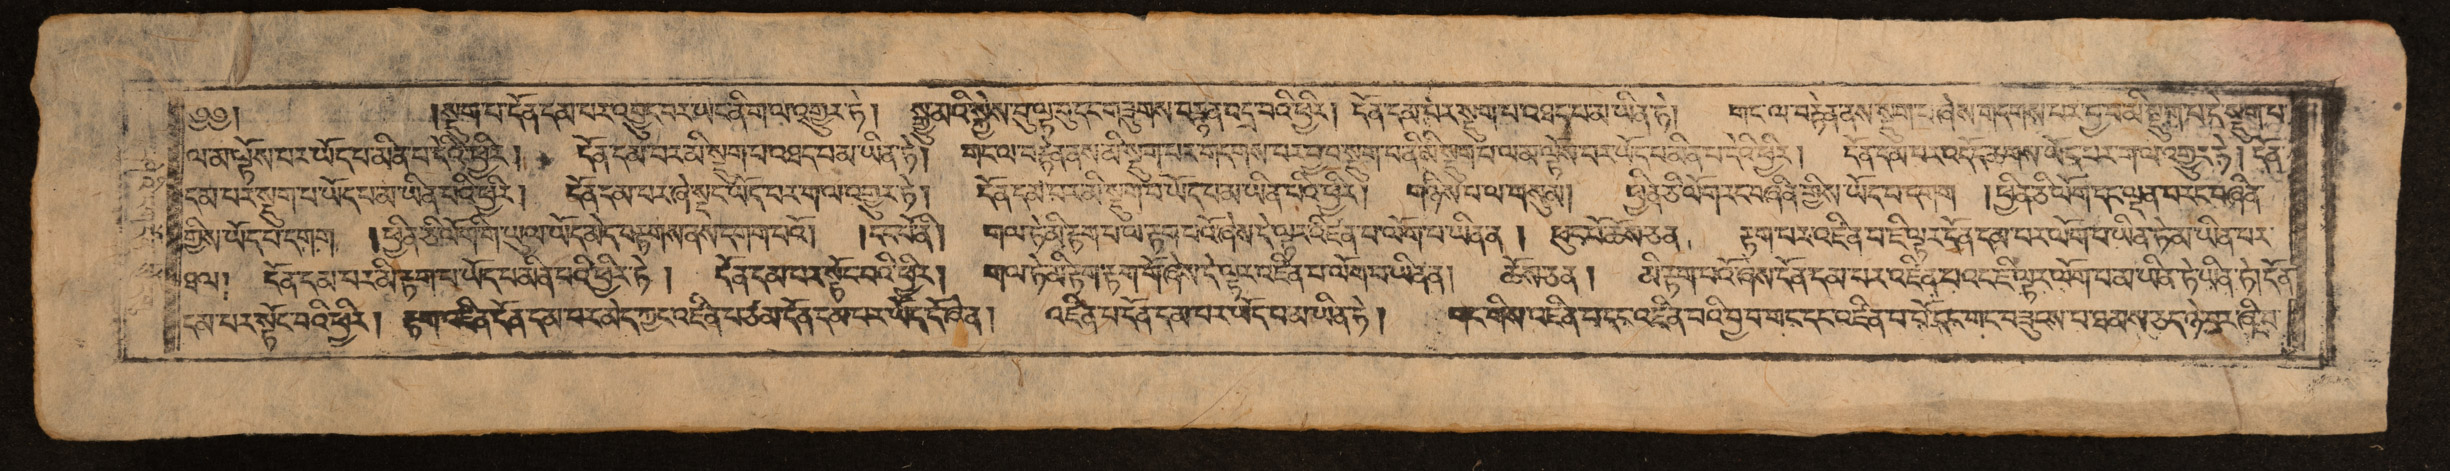༄༅། །སྡུག་པ་དོན་དམ་པར་འབྱུང་བར་ཡང་ནི་ག་ལ་འགྱུར་ཏེ། སྒྱུ་མའི་སྐྱེས་བུ་ལྟ་བུ་དང་གཟུགས་བརྙན་འདྲ་བའི་ཕྱིར། དོན་དམ་པར་སྡུག་པ་འཐད་པ་མ་ཡིན་ཏེ། གང་ལ་བརྟེན་ནས་སྡུག་པ་ཞེས་གདགས་པར་བྱ་བ་མི་སྡུག་པ་དེ་སྡུག་པ་
ལ་མ་ལྟོས་པར་ཡོད་པ་མིན་པ་དེའི་ཕྱིར། དོན་དམ་པར་མི་སྡུག་པ་འཐད་པ་མ་ཡིན་ཏེ། གང་ལ་བརྟེན་ནས་མི་སྡུག་པར་གདགས་པར་བྱ་བ་སྡུག་པ་ནི་མི་སྡུག་པ་ལ་མ་ལྟོས་པར་ཡོད་པ་མིན་པ་དེའི་ཕྱིར། དོན་དམ་པར་འདོད་ཆགས་ཡོད་པར་ག་ལ་འགྱུར་ཏེ། དོན་
དམ་པར་སྡུག་པ་ཡོད་པ་མ་ཡིན་པའི་ཕྱིར། དོན་དམ་པར་ཞེ་སྡང་ཡོད་པར་ག་ལ་འགྱུར་ཏེ། དོན་དམ་པར་མི་སྡུག་པ་ཡོད་པ་མ་ཡིན་པའི་ཕྱིར། གཉིས་པ་ལ་གསུམ། ཕྱིན་ཅི་ལོག་རང་བཞིན་གྱིས་ཡོད་པ་དགག །ཕྱིན་ཅི་ལོག་དང་ལྡན་པ་རང་བཞིན་
གྱིས་ཡོད་པ་དགག །ཕྱིན་ཅི་ལོག་གི་ཡུལ་ཡོད་མེད་བརྟགས་ནས་དགག་པའོ། །དང་པོ་ནི། གལ་ཏེ་མི་རྟག་པ་ལ་རྟག་པའོ་ཞེས་དེ་ལྟར་འཛིན་པ་ལོག་པ་ཡིན་ན། ཕུང་པོ་ཆོས་ཅན། རྟག་པར་འཛིན་པ་ཇི་ལྟར་དོན་དམ་པར་ལོག་པ་ཡིན་ཏེ་མ་ཡིན་པར་
ཐལ། དོན་དམ་པར་མི་རྟག་པ་ཡོད་པ་མིན་པའི་ཕྱིར་ཏེ། དོན་དམ་པར་སྟོང་པའི་ཕྱིར། གལ་ཏེ་མི་རྟག་རྟག་གོ་ཞེས་དེ་ལྟར་འཛིན་པ་ལོག་པ་ཡིན་ན། ཆོས་ཅན། མི་རྟག་པའོ་ཞེས་དོན་དམ་པར་འཛིན་པའང་ཇི་ལྟར་ལོག་པ་མ་ཡིན་ཏེ་ཡིན་ཏེ། དོན་
དམ་པར་སྟོང་པའི་ཕྱིར། རྟག་འཛིན་དོན་དམ་པར་མེད་ཀྱང་འཛིན་པ་ཙམ་དོན་དམ་པར་ཡོད་དོ་ཞེ་ན། འཛིན་པ་དོན་དམ་པར་ཡོད་པ་མ་ཡིན་ཏེ། གང་གིས་འཛིན་པ་དང་འཛིན་པའི་བྱ་བ་གང་དང་འཛིན་པ་པོ་དང་གང་བཟུངས་པ་ཐམས་ཅད་ཉེ་བར་ཞི་པ་